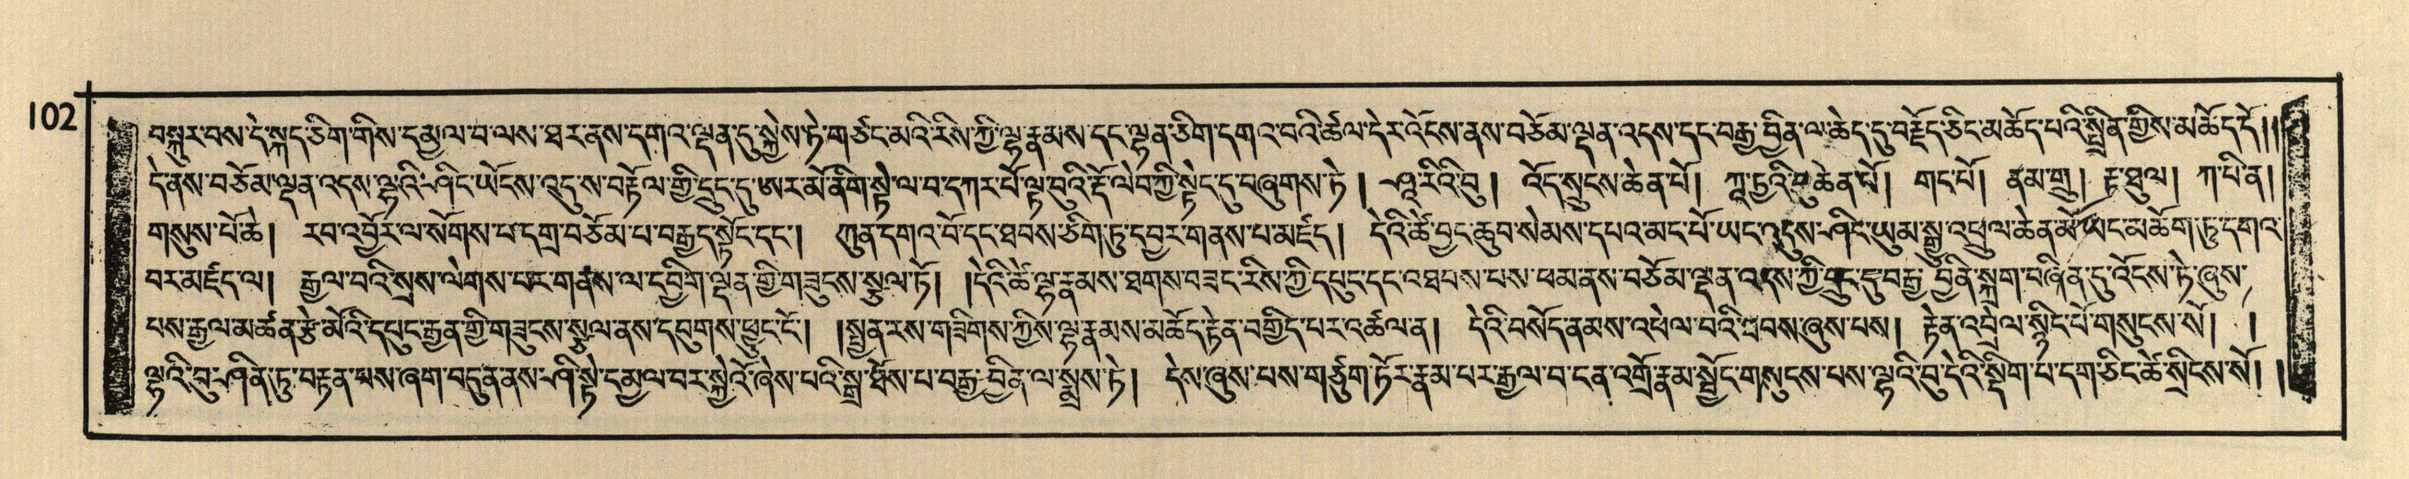བསྐུར་བས་དེ་སྐད་ཅིག་གིས་དམྱལ་བ་ལས་ཐར་ནས་དགའ་ལྡན་དུ་སྐྱེས་ཏེ་གཙང་མའི་རིས་ཀྱི་ལྷ་རྣམས་དང་ལྷན་ཅིག་དགའ་བའི་ཚལ་དེར་འོངས་ནས་བཅོམ་ལྡན་འདས་དང་བརྒྱ་བྱིན་ལ་ཆེད་དུ་བརྗོད་ཅིང་མཆོད་པའི་སྤྲིན་གྱིས་མཆོད་དོ། །
དེ་ནས་བཅོམ་ལྡན་འདས་ལྷའི་ཤིང་ཡོངས་འདུ་ས་བརྟོལ་གྱི་དྲུང་དུ་ཨར་མོ་ནིག་སྟེ་ལ་བ་དཀར་པོ་ལྟ་བུའི་རྡོ་ལེབ་ཀྱི་སྟེང་དུ་བཞུགས་ཏེ། ཤཱ་རིའི་བུ། འོད་སྲུངས་ཆེན་པོ། ཀཱ་ཏྱའི་བུ་ཆེན་པོ། གང་པོ། ནམ་གྲུ། རྟ་ཐུལ། ཀ་པི་ན།
གསུས་པོ་ཆེ། རབ་འབྱོར་ལ་སོགས་པ་དགྲ་བཅོམ་པ་བརྒྱད་སྟོང་དང་། ཀུན་དགའ་བོ་དང་ཐབས་ཅིག་ཏུ་དབྱར་གནས་པ་མཛད། དེའི་ཚེ་བྱང་ཆུབ་སེམས་དཔའ་མང་པོ་ཡང་འདུས་ཤིང་ཡུམ་སྒྱུ་འཕྲུལ་ཆེན་མོ་ཡང་མཆོག་ཏུ་དགའ་
བར་མཛད་ལ། རྒྱལ་བའི་སྲས་ལེགས་པར་གནས་ལ་དབྱིག་ལྡན་གྱི་གཟུངས་སྩལ་ཏོ། །དེའི་ཚེ་ལྷ་རྣམས་ཐགས་བཟང་རིས་ཀྱི་དཔུང་དང་འཐབས་པས་ཕམ་ནས་བཅོམ་ལྡན་འདས་ཀྱི་དྲུང་དུ་བརྒྱ་བྱིན་སྐྲག་བཞིན་དུ་འོངས་ཏེ་ཞུས་
པས་རྒྱལ་མཚན་རྩེ་མོའི་དཔུང་རྒྱན་གྱི་གཟུངས་སྩལ་ནས་དབུགས་ཕྱུང་ངོ། །སྤྱན་རས་གཟིགས་ཀྱིས་ལྷ་རྣམས་མཆོད་རྟེན་བགྱིད་པར་འཚལ་ན། དེའི་བསོད་ནམས་འཕེལ་བའི་ཐབས་ཞུས་པས། རྟེན་འབྲེལ་སྙིང་པོ་གསུངས་སོ། །
ལྷའི་བུ་ཤིན་ཏུ་བརྟན་པས་ཞག་བདུན་ནས་ཤི་སྟེ་དམྱལ་བར་སྐྱེའོ་ཞེས་པའི་སྒྲ་ཐོས་པ་བརྒྱ་བྱིན་ལ་སྨྲས་ཏེ། དེས་ཞུས་པས་གཙུག་ཏོར་རྣམ་པར་རྒྱལ་བ་ངན་འགྲོ་རྣམ་སྦྱོང་གསུངས་པས་ལྷའི་བུ་དེའི་སྡིག་པ་དག་ཅིང་ཚེ་སྲིངས་སོ། །